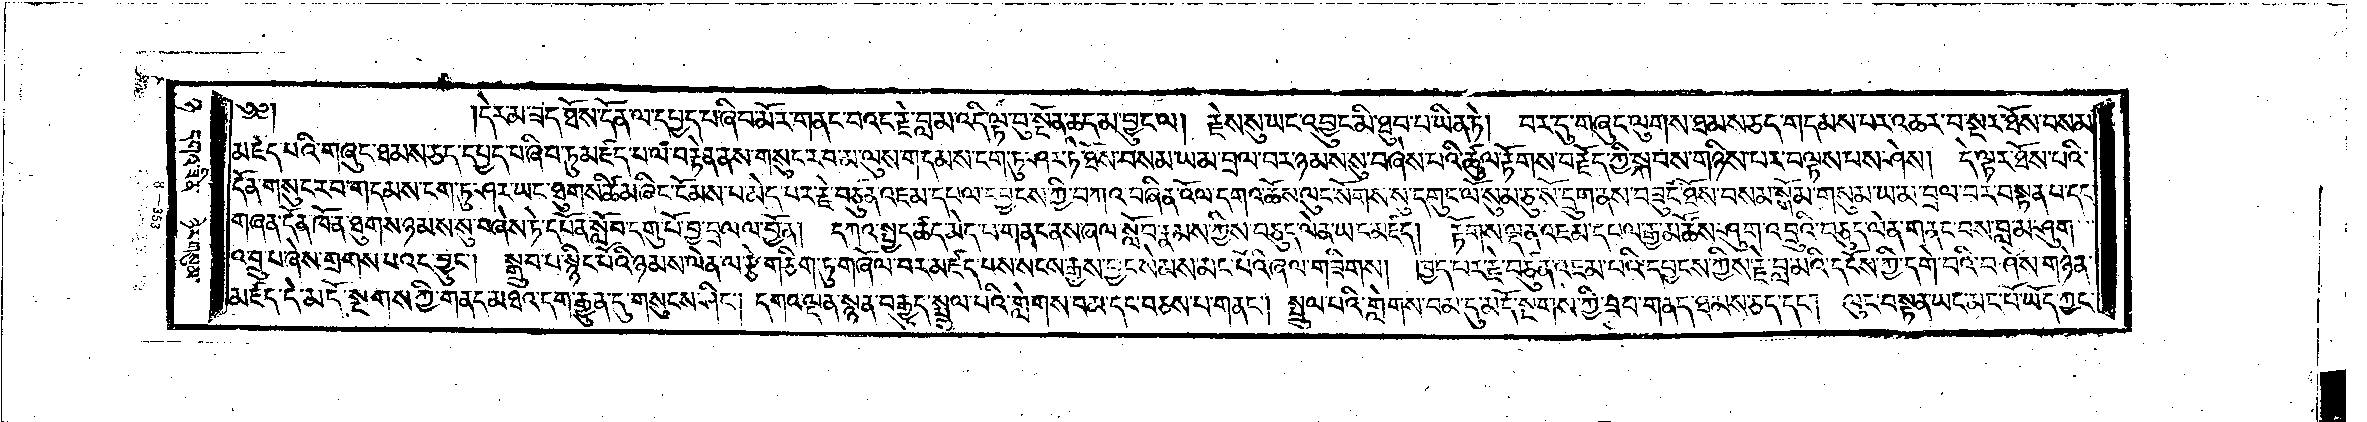༄༅། །དེར་མ་ཟད་ཐོས་དོན་ལ་དཔྱད་པ་ཞིབ་མོར་གནང་བའང་རྗེ་བླ་མ་འདི་ལྟ་བུ་སྔོན་ཆད་མ་བྱུང་ལ། རྗེས་སུ་ཡང་འབྱུང་མི་ཐུབ་པ་ཡིན་ཏེ། བར་དུ་གཞུང་ལུགས་ཐམས་ཅད་གདམས་པར་འཆར་བ་སྔར་ཐོས་བསམ་
མཛད་པའི་གཞུང་ཐམས་ཅད་དཔྱད་པ་ཞིབ་ཏུ་མཛད་པ་ལ་བརྟེན་ནས་གསུང་རབ་མ་ལུས་གདམས་ངག་ཏུ་ཤར་ཏེ་ཐོས་བསམ་ཡ་མ་བྲལ་བར་ཉམས་སུ་བཞེས་པའི་ཚུལ་རྟོགས་བརྗོད་ཀྱི་སྐབས་གཉིས་པར་བལྟས་པས་ཤེས། དེ་ལྟར་ཐོས་པའི་
དོན་གསུང་རབ་གདམས་ངག་ཏུ་ཤར་ཡང་ཐུགས་ཚིམ་ཞིང་ངོམས་པ་མེད་པར་རྗེ་བཙུན་འཇམ་དཔལ་དབྱངས་ཀྱི་བཀའ་བཞིན་འོས་དགའ་ཆོས་ལུང་སོགས་སུ་དགུང་ལོ་སུམ་ཅུ་སོ་དྲུག་ནས་བཟུང་ཐོས་བསམ་སྒོམ་གསུམ་ཡ་མ་བྲལ་བར་བསྟན་པ་དང་
གཞན་དོན་ཁོ་ན་ཐུགས་ཉམས་སུ་བཞེས་ཏེ་དཔོན་སློབ་དགུ་པོ་བྱ་བྲལ་ལ་བྱོན། དཀའ་སྤྱད་ཚད་མེད་པ་གནང་ནས་ཞལ་སློབ་རྣམས་ཀྱིས་བཅུད་ལེན་ཡང་མཛད། རྟོགས་ལྡན་འཇམ་དཔལ་རྒྱ་མཚོས་ཤུག་འབྲུའི་བཅུད་ལེན་གནང་བས་བླ་མ་ཤུག་
འབྲུ་པ་ཞེས་གྲགས་པའང་བྱུང་། སྒྲུབ་པ་སྙིང་པོའི་ཉམས་ལེན་ལ་རྩེ་གཅིག་ཏུ་གཞོལ་བར་མཛད་པས་སངས་རྒྱས་བྱང་སེམས་མང་པོའི་ཞལ་གཟིགས། ཁྱད་པར་རྗེ་བཙུན་འཇམ་པའི་དབྱངས་ཀྱིས་རྗེ་བླ་མའི་དངོས་ཀྱི་དགེ་བའི་བཤེས་གཉེན་
མཛད་དེ་མདོ་སྔགས་ཀྱི་གནད་མཐའ་དག་རྒྱུན་དུ་གསུངས་ཤིང་། དགའ་ལྡན་སྙན་བརྒྱུད་སྤྲུལ་པའི་གླེགས་བམ་དང་བཅས་པ་གནང་། སྤྲུལ་པའི་གླེགས་བམ་དུ་མདོ་སྔགས་ཀྱི་ཟབ་གནད་ཐམས་ཅད་དང་། ལུང་བསྟན་ཡང་མང་པོ་ཡོད་ཀྱང་